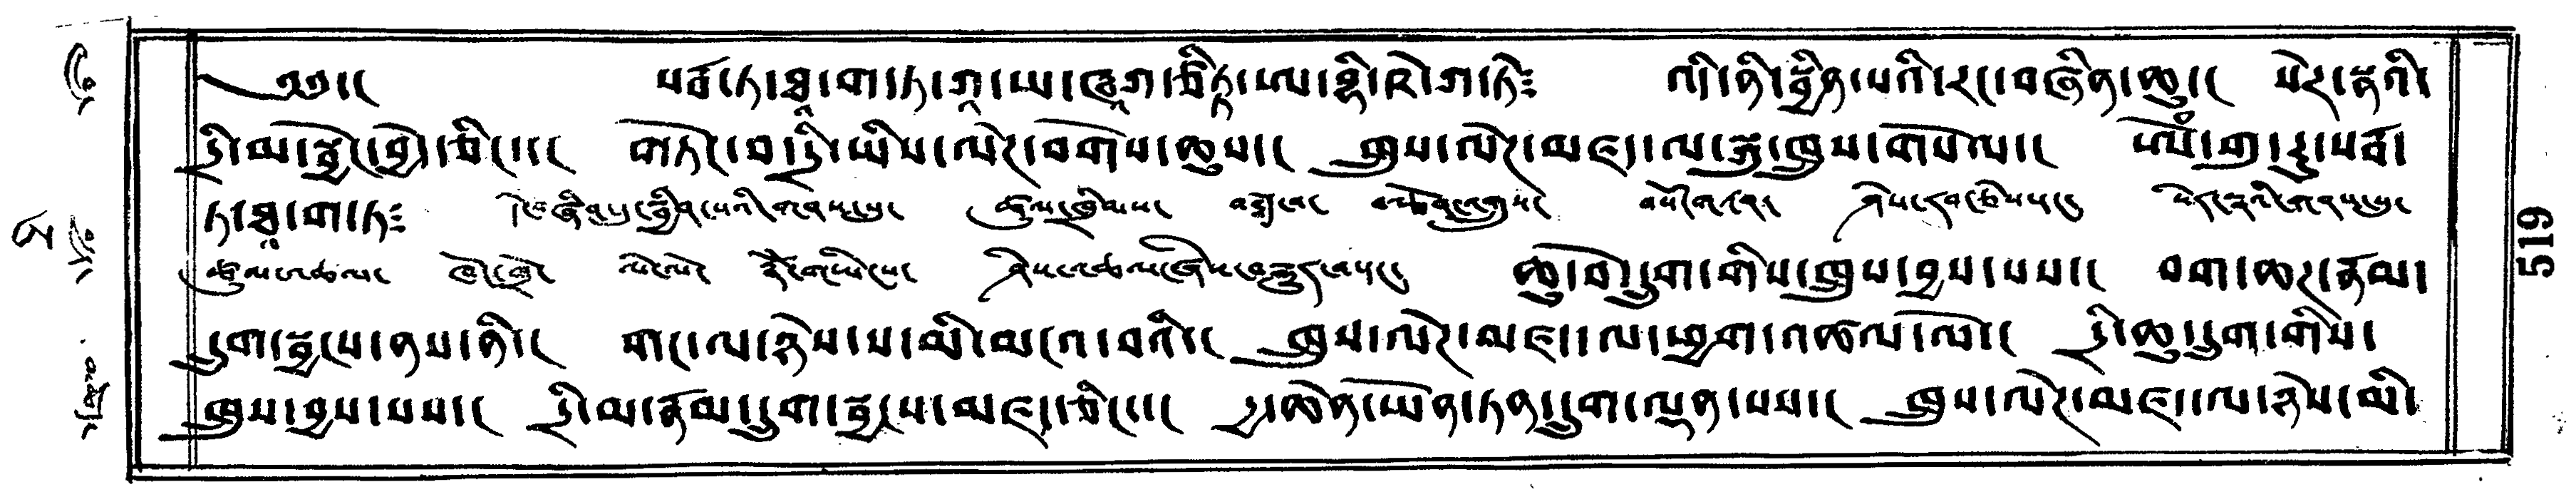སརྦ་ཏ་ཐཱ་ག་ཏ་ཀཱ་ཡ་ཝཱ་ཀ་ཙིཏྟ་ཨ་བྷི་རི་ཀ་ཏེ༴ འདི་ནི་སྦྱིན་པའི་རང་བཞིན་ཆུ། །སེར་སྣའི་
དྲི་མ་སྦྱོང་བྱེད་ཅིང་། །གཏོང་བ་དྲི་ཡིས་ལེགས་བགོས་ཆུས། །གྲུས་ལེགས་མཛད་ལ་སྐུ་ཁྲུས་གསོལ། ཨོཾ་གུ་རུ་སརྦ་
ཏ་ཐཱ་ག་ཏ༴ དེ་བཞིན་དུ་སྦྱིན་པའི་གནས་སུ། ཚུལ་ཁྲིམས། བཟོད་པ། བརྩོན་འགྲུས། བསམ་གཏན། ཤེས་རབ། ཅེས་དང་། སེར་སྣའི་གནས་སུ། 
ཚུལ་འཆལ། ཁོང་ཁྲོ། ལེ་ལོ། རྣམ་གཡེང་། ཤེས་འཆལ། ཞེས་བསྒྱུར་བ་དང་། ཆུ་བོ་དྲུག་གིས་ཁྲུས་བྱས་པས། །བག་ཆགས་རྣམ་
དྲུག་སྦྱངས་ནས་ནི། །གང་ལ་ཉེས་པ་མི་མངའ་བའི། ཁྲུས་ལེགས་མཛད་ལ་ཕྱག་འཚལ་ལོ། །དྲི་ཆུ་དྲུག་གིས་
ཁྲུས་བྱས་པས། །དྲི་མ་རྣམ་དྲུག་སྦྱངས་མཛད་ཅིང་། །རྒྱ་ཆེན་ཡོན་ཏན་དྲུག་ལྡན་པས། ཁྲུས་ལེགས་མཛད་ལ་ཉེས་མི་